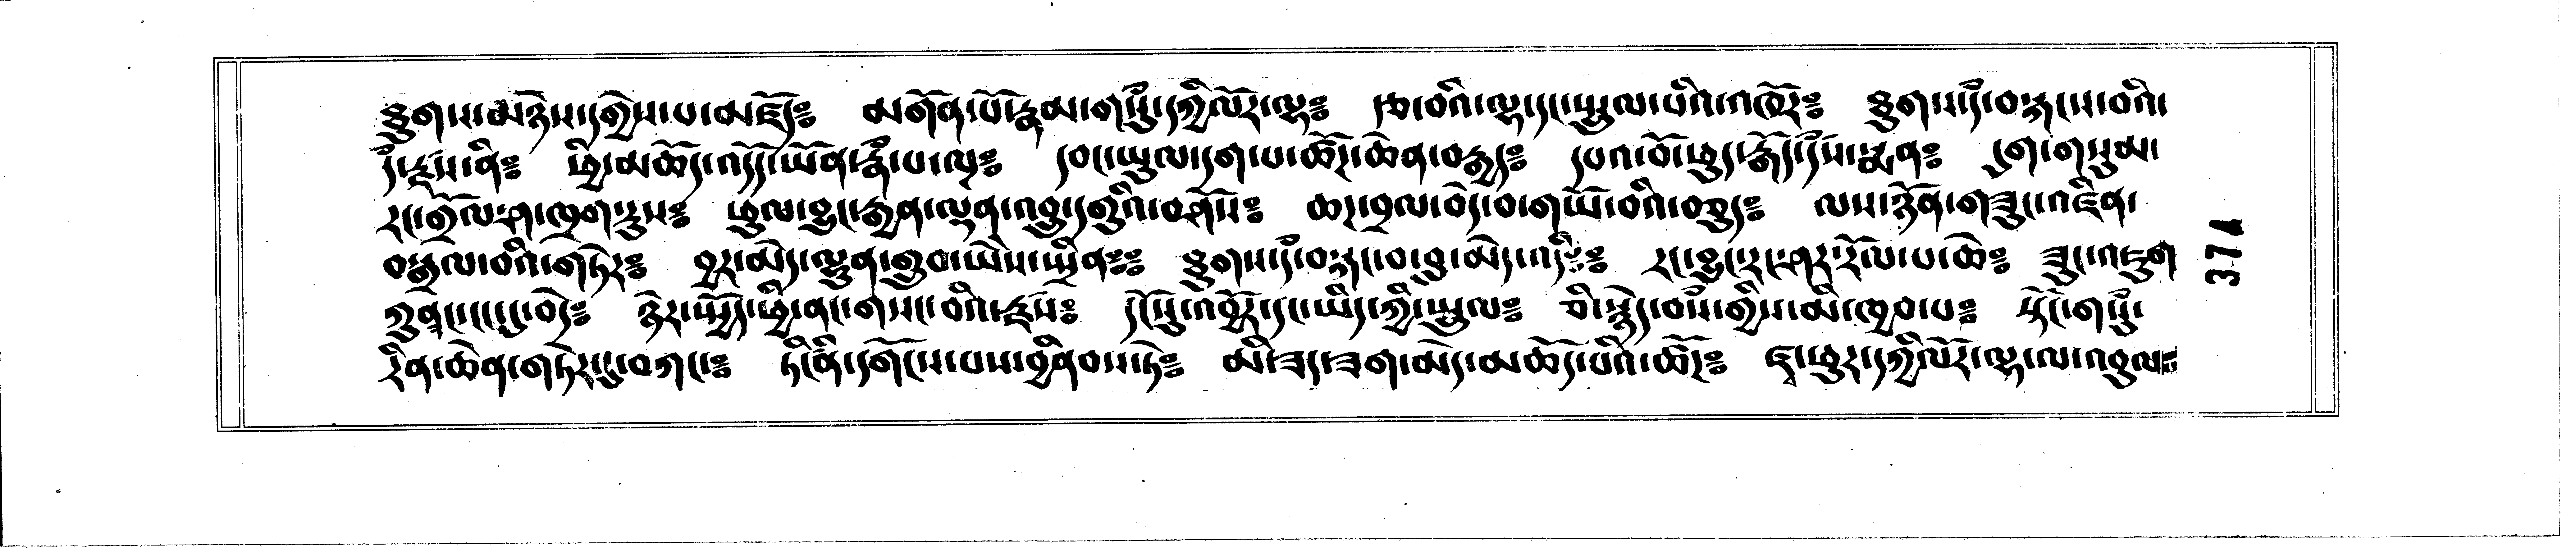ཐུགས་མཉེས་དགྱེས་པར་མཛོད༔ མགོན་པོ་རྣམ་གསུམ་དཀྱིལ་འཁོར་ལྷ༔ རྩ་བའི་ལྷ་དང་སྤྲུལ་པའི་འཁོར༔ ཐུགས་དམ་བསྐངས་བའི་
དམ་རྫས་ནི༔ ཕྱི་མཆོད་འདོད་ཡོན་རྣམ་པ་ལྔ་། དབང་ཡུལ་དག་པ་ཚོགས་ཆེན་བརྒྱད༔ དཔའ་བོ་ཕུད་རྒོད་དམ་རྫས་སྨན༔ དུག་གསུམ་
རང་གྲོལ་ཤ་ཁྲག་རུས༔ ཕུལ་བྱུང་རྒྱན་ལྡན་འབྲུ་དགུའི་བཤོས༔ ཆགས་བྲལ་བདེ་བ་གཡོ་བའི་བཅུད༔ ལས་ཉོན་གཟུང་འཛིན་
བསྒྲལ་བའི་གཏེར༔ བྱར་མེད་ལྷུན་གྲུབ་ཡེ་ཤེས་སྤྲིན༔༔ ཐུགས་དམ་བསྐང་བ་བླ་མེད་འདི༔༔ རང་བྱུང་རང་ཤར་རོལ་པ་ཆེ༔ ཟུང་འཇུག་
ཀུན་བཟང་ངང་དུ་བདེ༔ ཉེར་སྤྱོད་ཕྱི་ནང་གསང་བའི་རྫས༔ དངོས་སུ་འབྱོར་དང་ཡིད་ཀྱིས་སྤྲུལ༔་ཅི་སྙེད་བསམ་གྱིས་མི་ཁྱབ་པ༔ སྟོང་གསུམ་
རིན་ཆེན་གཏེར་དུ་བཀང་། ཏིང་འཛིན་དགོངས་པས་བྱིན་རླབས་ཏེ༔ མི་ཟད་ཟག་མེད་མཆོད་པའི་ཚོགས༔ ཛྭ་ཕུར་དཀྱིལ་འཁོར་ལྷ་ལ་འབུལ༔